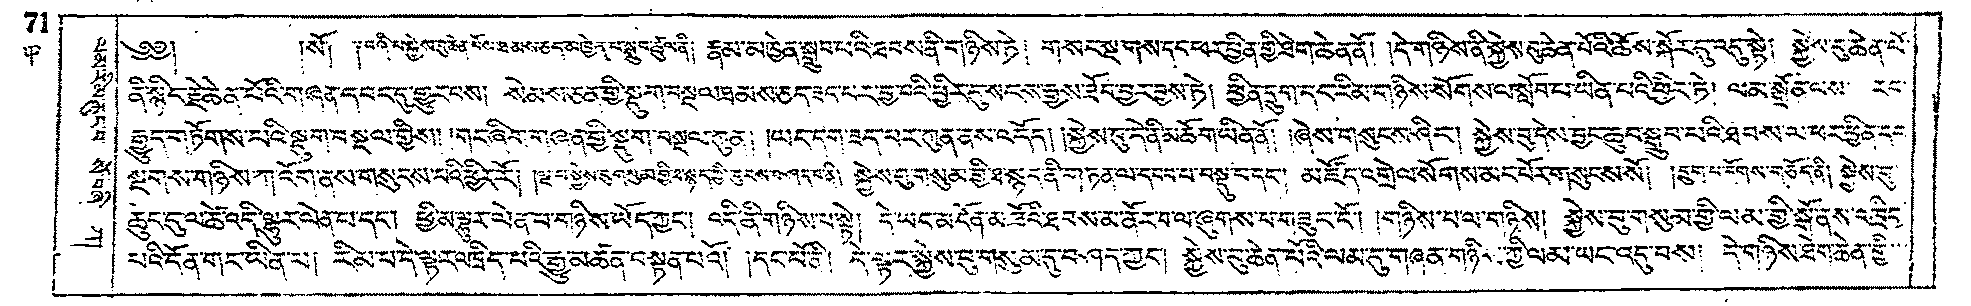༄༅། །སོ། ༑བཞི་པ་སྐྱེས་བུ་ཆེན་པོས་ཐམས་ཅད་མཁྱེན་པ་སྒྲུབ་ཚུལ་ནི།  རྣམ་མཁྱེན་སྒྲུབ་པའི་ཐབས་ནི་གཉིས་ཏེ། གསང་སྡགས་དང་ཕར་ཕྱིན་གྱི་ཐེག་ཆེན་ནོ། །དེ་གཉིས་ནི་སྐྱེས་བུ་ཆེན་པོའི་ཆོས་སྐོར་དུ་འདུ་སྟེ། སྐྱེས་བུ་ཆེན་པོ་
ནི་སྙིང་རྗེ་ཆེན་པོའི་གཞན་དབང་དུ་གྱུར་པས། སེམས་ཅན་གྱི་སྡུག་བསྔལ་ཐམས་ཅད་ཟད་པར་བྱ་བའི་ཕྱིར་དུ་སངས་རྒྱས་ཐོབ་བྱར་བྱས་ཏེ། ཕྱིན་དྲུག་དང་རིམ་གཉིས་སོགས་ལ་སློབ་པ་ཡིན་པའི་ཕྱིར་ཏེ། ལམ་སྒྲོན་ལས། རང་
རྒྱུད་གཏོགས་པའི་སྡུག་བསྔལ་གྱིས། །གང་ཞིག་གཞན་གྱི་སྡུག་བསྔལ་ཀུན། །ཡང་དག་ཟད་པར་ཀུན་ནས་འདོད། །སྐྱེས་བུ་དེ་ནི་མཆོག་ཡིན་ནོ། །ཞེས་གསུངས་ཤིང་། སྐྱེས་བུ་དེས་བྱང་ཆུབ་སྒྲུབ་པའི་ཐབས་ལ་ཕར་ཕྱིན་དང་
སྔགས་གཉིས་ཀ་འོག་ནས་གསུངས་པའི་ཕྱིར་རོ། ། ལྔ་པ་སྐྱེས་བུ་གསུམ་གྱི་ཐ་སྙད་ཀྱི་ཁུངས་བཤད་པ་ནི། སྐྱེས་བུ་གསུམ་གྱི་ཐ་སྙད་ནི་གཏན་ལ་དབབ་པ་བསྡུ་བ་དང་། མཛོད་འགྲེལ་སོགས་མང་པོར་གསུངས་སོ། ། དྲུག་པ་དོགས་གཅོད་ནི། སྐྱེས་བུ་
ཆུང་ངུ་ལ་ཚེ་འདི་ལྷུར་ལེན་པ་དང་། ཕྱི་མ་ལྷུར་ལེན་པ་གཉིས་ཡོད་ལ་ཀྱང་། འདི་ནི་གཉིས་པ་སྟེ། དེ་ཡང་མངོན་མཐོའི་ཐབས་མ་ནོར་བ་ལ་ཞུགས་པ་གསུང་ངོ། །གཉིས་པ་ལ་གཉིས། སྐྱེས་བུ་གསུམ་གྱི་ལམ་གྱི་སྒྲོ་ནས་འཁྲིང་
པའི་དོན་གང་ཡིན་པ། རིམ་པ་དེ་ལྟར་འཁྲིད་པའི་རྒྱུ་མཚན་བསྟན་པའོ། །དང་པོ་ནི། དེ་ལྟར་སྐྱེས་བུ་གསུམ་དུ་བཤད་ཀྱང་། སྐྱེས་བུ་ཆེན་པོའི་ལམ་དུ་གཞན་གཉིས་ཀྱི་ལམ་ཡང་འདུ་པས། དེ་གཉིས་ཐེག་ཆེན་གྱི་